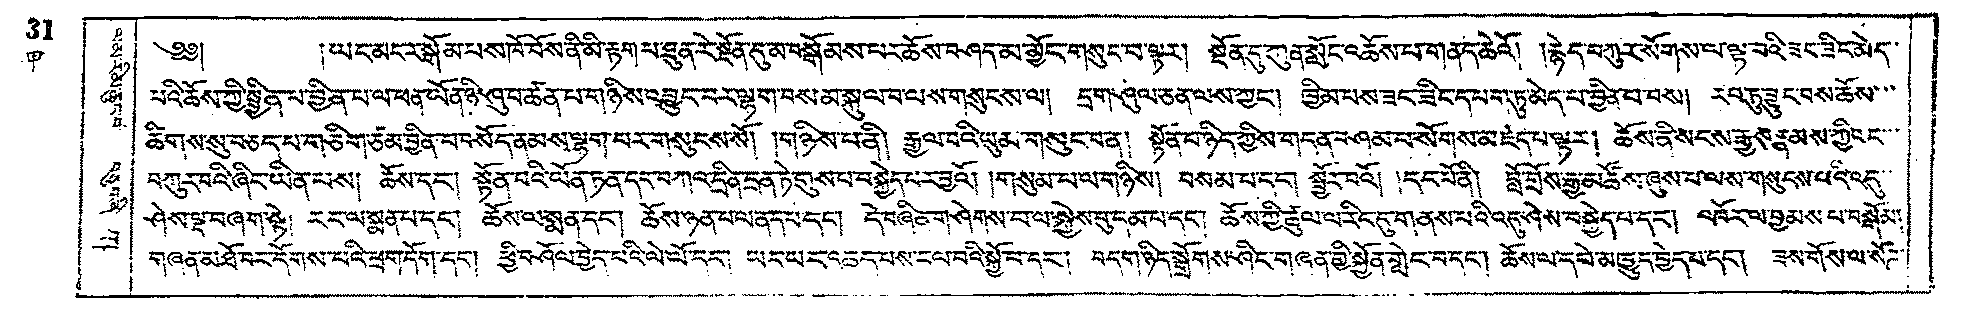༄༅། །ཡང་མངར་སྒོམ་པས་ཁོ་བོས་ནི་མི་རྟག་པ་ཐུན་རེ་སྔོན་དུ་མ་བསྒོམས་པར་ཆོས་བཤད་མ་མྱོང་གསུང་བ་ལྟར། སྔོན་དུ་ཀུན་སློང་འཆོས་པ་གནད་ཆེའོ། །རྙེད་བཀུར་སོགས་ལ་ལྟ་བའི་ཟང་ཟིང་མེད་
པའི་ཆོས་ཀྱི་སྦྱིན་པ་བྱིན་པ་ལ་ཕན་ཡོན་ཉི་ཤུ་བ་ཚན་པ་གཉིས་འབྱུང་བར་ལྷག་བསམ་སྐུལ་བ་ལས་གསུངས་ལ། དྲག་ཤུལ་ཅན་ལས་ཀྱང་། ཁྱིམ་པས་ཟང་ཟིང་དཔག་ཏུ་མེད་པ་བྱིན་པ་པས། རབ་ཏུ་བྱུང་བས་ཆོས་
ཚིགས་སུ་བཅད་པ་གཅིག་ཙམ་བྱིན་པ་བསོད་ནམས་ལྷག་པར་གསུངས་སོ། །གཉིས་པ་ནི། རྒྱལ་བའི་ཡུམ་གསུང་བ་ན། སྟོན་པ་ཉིད་ཀྱིས་གདན་བཤམ་པ་སོགས་མཛད་པ་ལྟར། ཆོས་ནི་སངས་རྒྱས་རྣམས་ཀྱིའང་
བཀུར་བའི་ཞིང་ཡིན་པས། ཆོས་དང་། སྟོན་པའི་ཡོན་ཏན་དང་བཀའ་དྲིན་དྲན་ཏེ་གུས་པ་བསྐྱེད་པར་བྱའོ། །གསུམ་པ་ལ་གཉིས། བསམ་པ་དང་། སྦྱོར་བའོ། །དང་པོ་ནི། བློ་གྲོས་རྒྱ་མཚོས་ཞུས་པ་ལས་གསུངས་པའི་འདུ་
ཤེས་ལྔ་བཞག་སྟེ། རང་ལ་སྨན་པ་དང་། ཆོས་ལ་སྨན་དང་། ཆོས་ཉན་པ་ལ་ནད་པ་དང་། དེ་བཞིན་གཤེགས་པ་ལ་སྐྱེས་བུ་དམ་པ་དང་། ཆོས་ཀྱི་ཚུལ་ལ་རིང་དུ་གནས་པའི་འདུ་ཤེས་བསྐྱེད་པ་དང་། འཁོར་ལ་བྱམས་པ་བསྒོམ།
གཞན་མཐོ་བར་དོགས་པའི་ཕྲག་དོག་དང་། ཕྱི་བཤོལ་བྱེད་པའི་ལེ་ལོ་དང་། ཡང་ཡང་འཆད་པས་ངལ་བའི་སྐྱོ་བ་དང་། བདག་ཉིད་སྒྲོགས་ཤིང་གཞན་གྱི་སྐྱོན་གླེང་བ་དང་། ཆོས་ལ་དཔེ་མ་ཁྱུད་བྱེད་པ་དང་། ཟས་གོས་ལ་སོཌ་